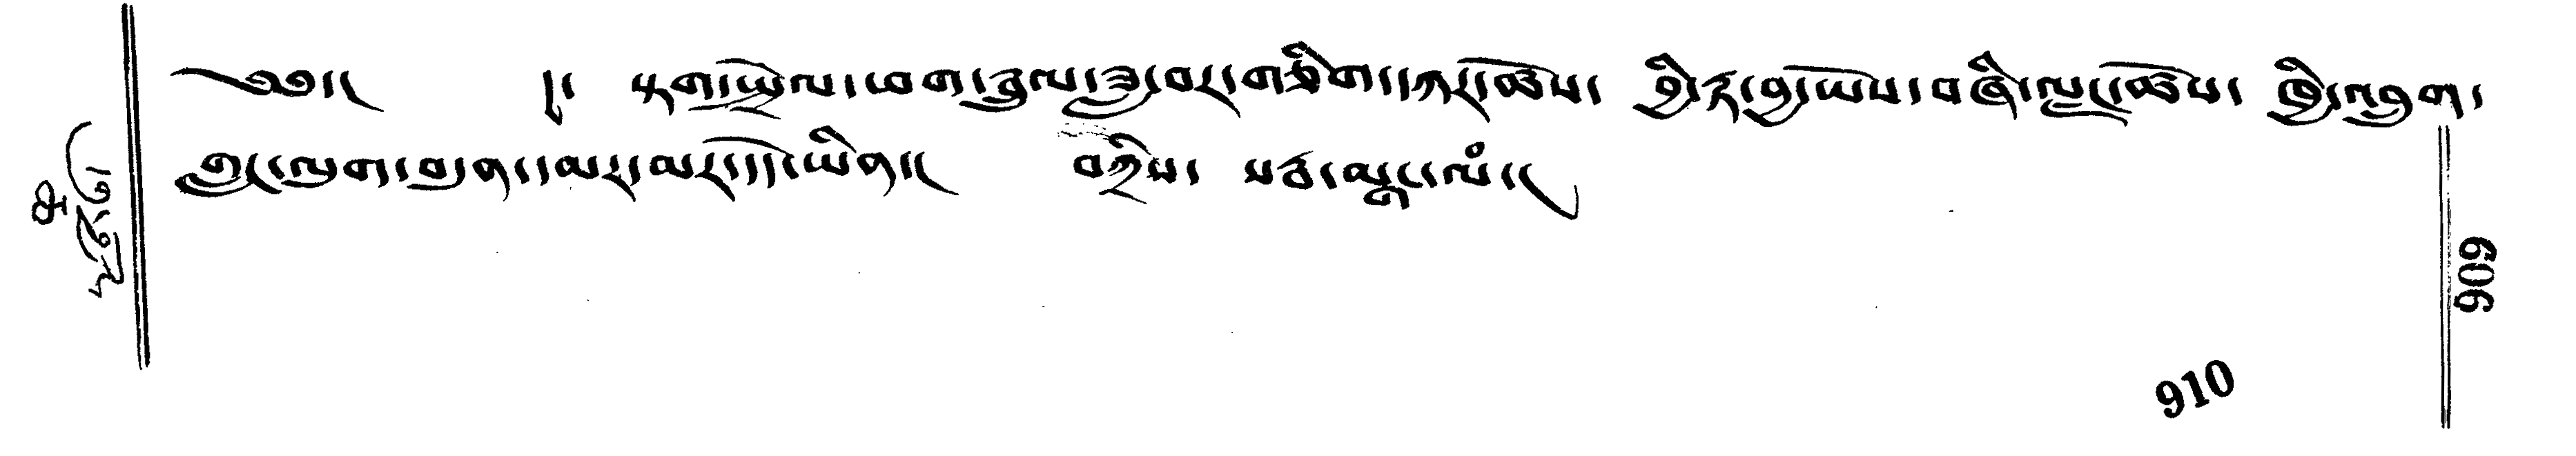དྭ། སྟག་སྤྲེལ་ཕག་སྦྲུལ་ཟླ་བར་གཅིག་དཀར་ཚེས། བྱི་རྟ་བྱ་ཡོས་བཞི་ལྗང་ཚེས། ཁྱི་འབྲུག་
གླང་ལུག་བདུན་དམར་མར་དེད་ཡིན། བཀྲ་ཤིས། སརྦ་མངྒ་ལཾ།།